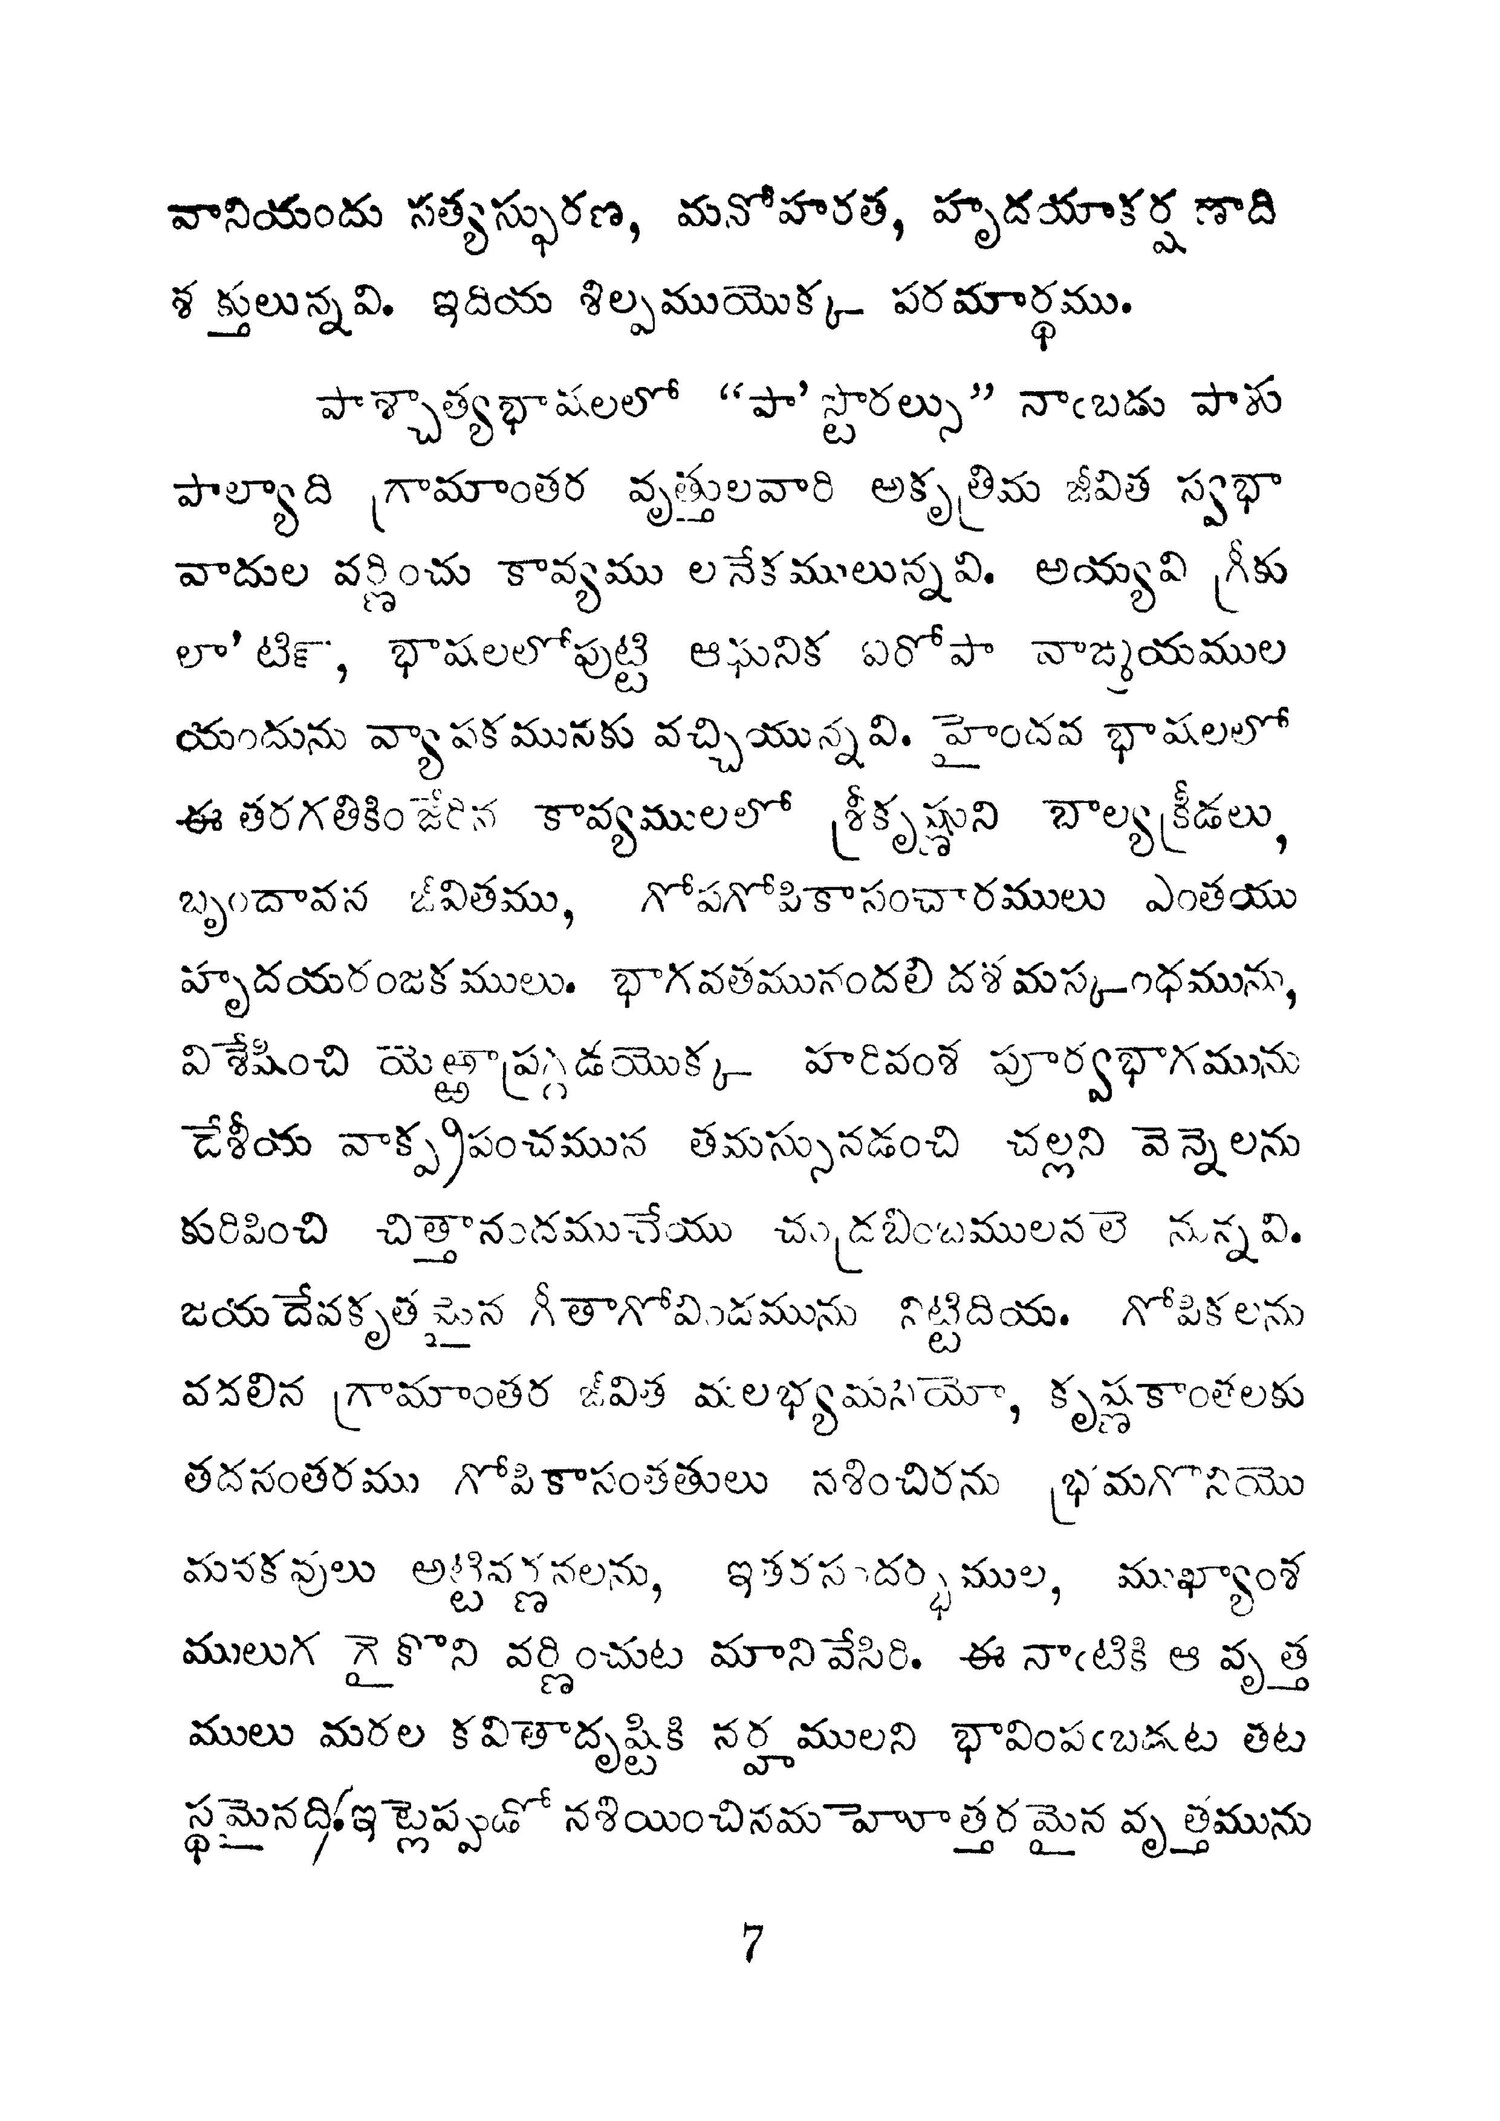వానియందు సత్యస్ఫురణ, మనోహరత, హృదయాకర్షణాది శక్తులున్నవి. ఇదియ శిల్పముయొక్క పరమార్థము.

పాశ్చాత్యభాషలలో "పా'స్టొరల్సు" నాఁబడు పాశుపాల్యాది గ్రామాంతర వృత్తులవారి అకృత్రిమ జీవిత స్వభావాదుల వర్ణించు కావ్యము లనేకములున్నవి. అయ్యవి గ్రీకు లా'టిన్‌, భాషలలో పుట్టి ఆధునిక ఐరోపా వాఙ్మయముల యందును వ్యాపకమునకు వచ్చియున్నవి. హైందవ భాషలలో ఈతరగతికింజేరిన కావ్యములలో శ్రీకృష్ణుని బాల్యక్రీడలు, బృందావన జీవితము, గోపగోపికాసంచారములు ఎంతయు హృదయ రంజకములు. భాగవతమునందలి దశమస్కంధమును, విశేషించి యెఱ్ఱాప్రగ్గడయొక్క హరివంశ పూర్వభాగమును దేశీయ వాక్ప్రపంచమున తమస్సునడంచి చల్లని వెన్నెలను కురిపించి చిత్తానందముచేయు చంద్రబింబములవలె నున్నవి. జయదేవకృతమైన గీతగోవిందమును నిట్టిదయ. గోపికలను వదలిన గ్రామాంతర జీవిత మలభ్యమనియో, కృష్ణకాంతలకు తదనంతరము గోపికాసంతతులు నశించిరను భ్రమగొనియో మనకవులు అట్టివర్ణనలను, ఇతర సందర్భముల, ముఖ్యాంశములుగ గైకొని వర్ణించుట మానివేసిరి. ఈనాటికి ఆవృత్తములు మరల కవితాదృష్టికి నర్హములని భావింపబడుట తటస్థమైనది. ఇట్టెప్పుడో నశియించిన మహోత్తరమైన వృత్తమును